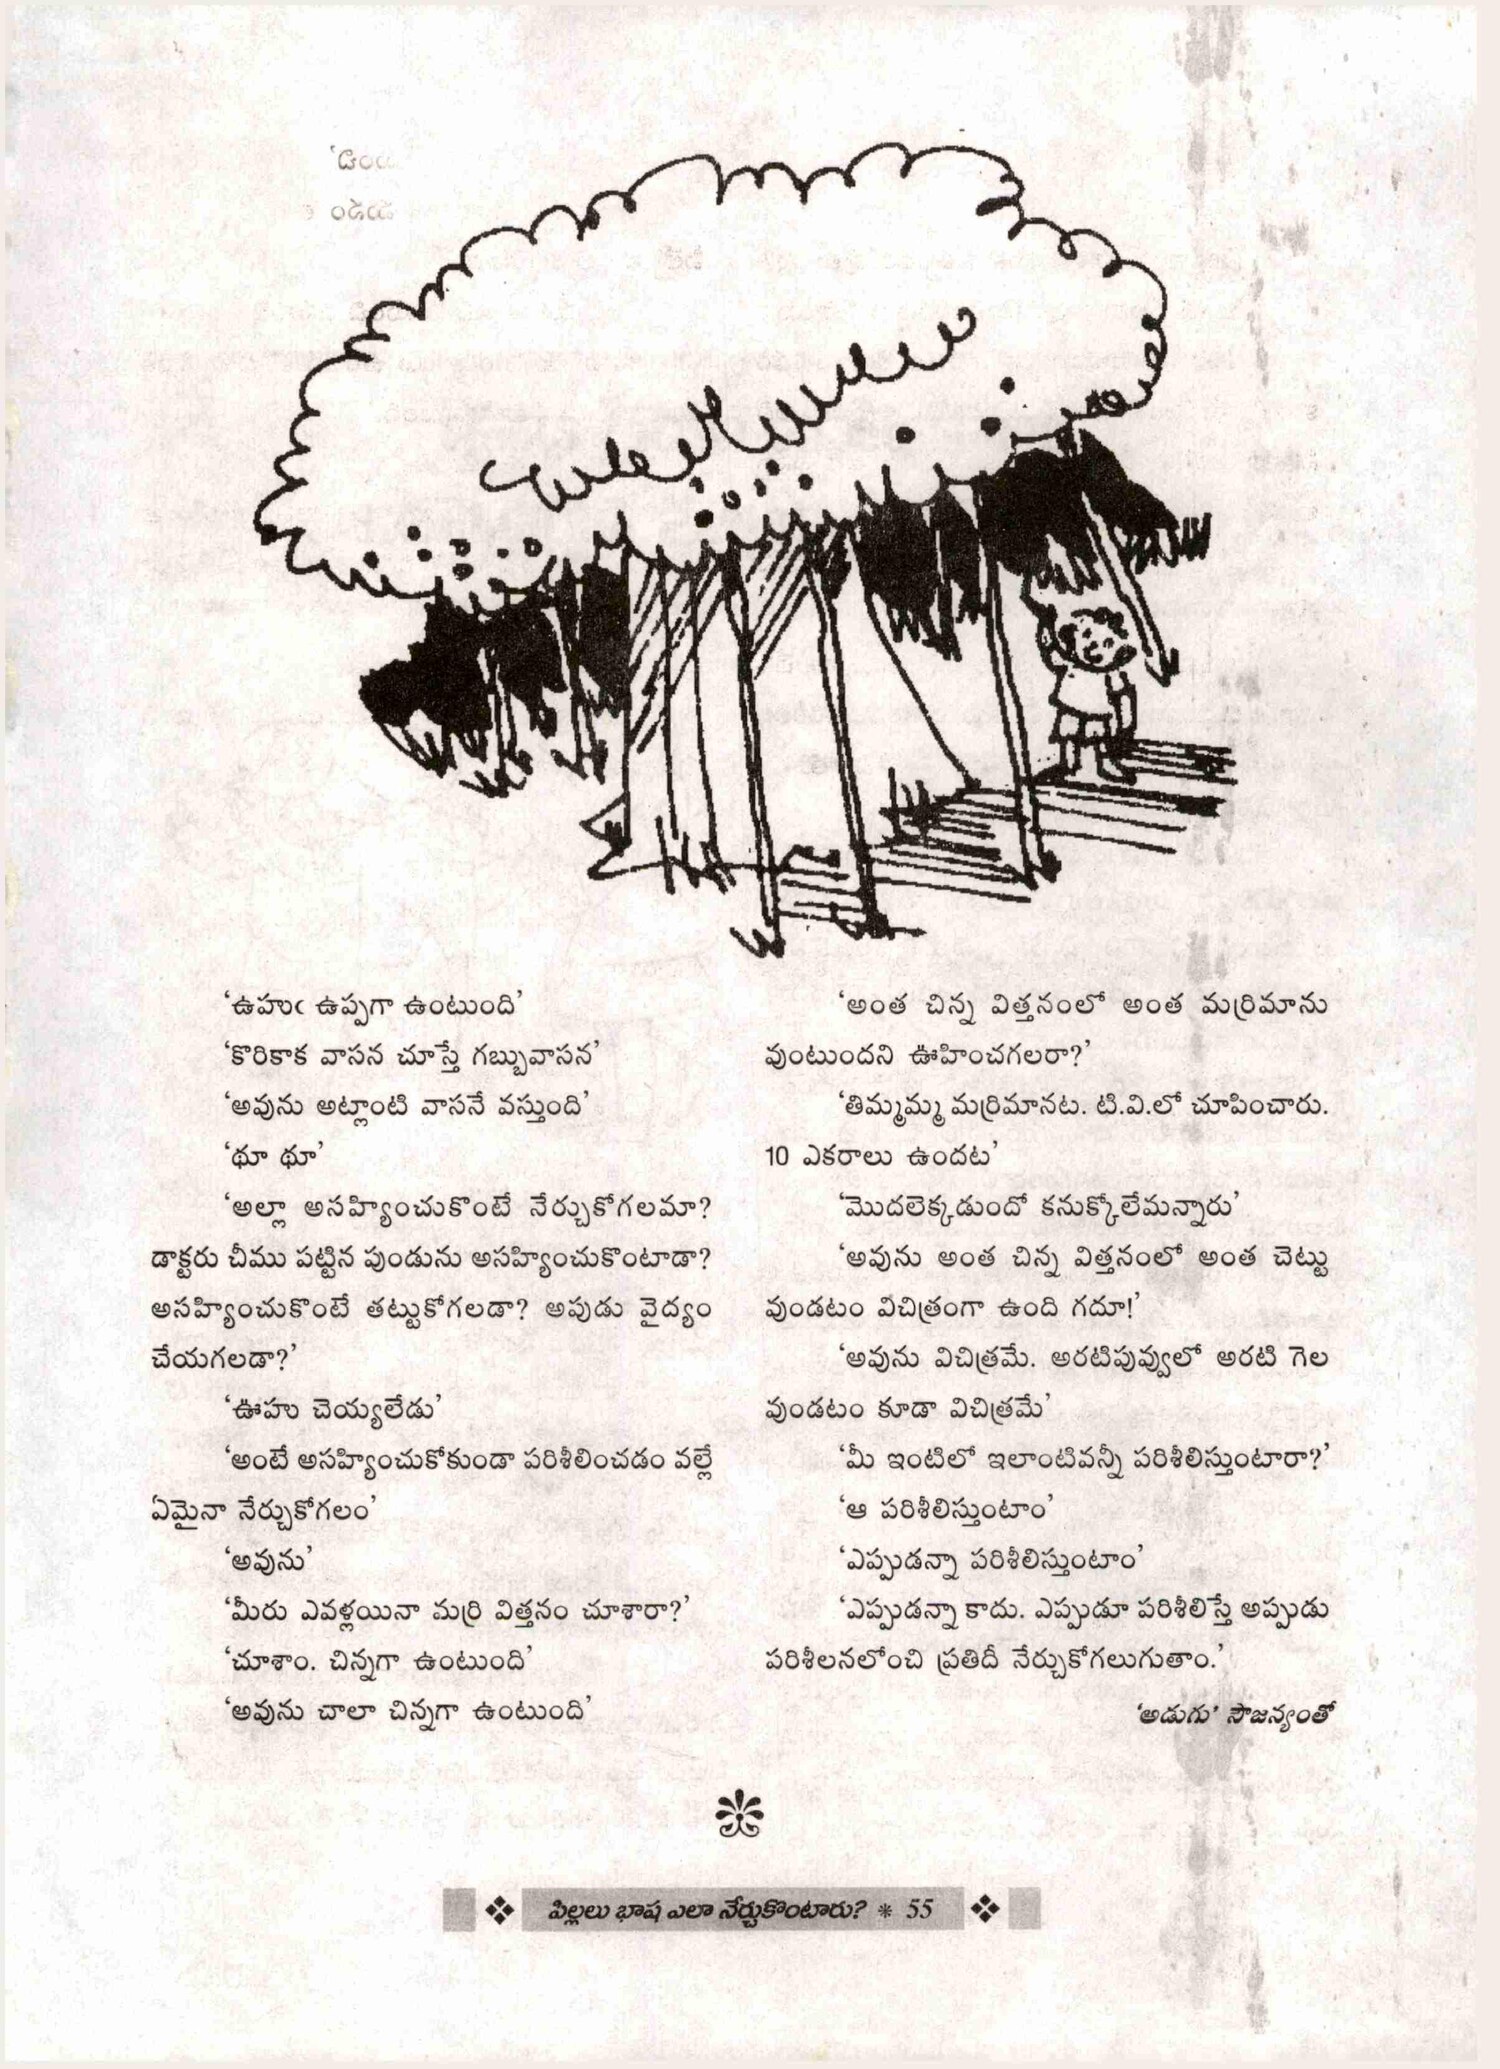'ఉహుఁ ఉప్పగా ఉంటుంది'

'కొరికాక వాసన చూస్తే గబ్బువాసన'

'అవును అట్లాంటి వాసనే వస్తుంది'

'థూ థూ'

'అల్లా అసహ్యించుకొంటే నేర్చుకోగలమా? డాక్టరు చీము పట్టిన పుండును అసహ్యించుకొంటాడా? అసహ్యించుకొంటే తట్టుకోగలడా? అపుడు వైద్యం చేయగలడా?'

'ఊహు చెయ్యలేడు'

'అంటే అసహ్యించుకోకుండా పరిశీలించడం వల్లే ఏమైనా నేర్చుకోగలం'

'అవును'

'మీరు ఎవళ్లయినా మర్రి విత్తనం చూశారా?'

'చూశాం. చిన్నగా ఉంటుంది'

'అవును చాలా చిన్నగా ఉంటుంది'

'అంత చిన్న విత్తనంలో అంత మర్రిమాను వుంటుందని ఊహించగలరా?'

'తిమ్మమ్మ మర్రిమానట. టి.వి.లో చూపించారు. 10 ఎకరాలు ఉందట'

'మొదలెక్కడుందో కనుక్కోలేమన్నారు'

'అవును అంత చిన్న విత్తనంలో అంత చెట్టు వుండటం విచిత్రంగా ఉంది గదూ!'

'అవును విచిత్రమే. అరటిపువ్వులో అరటి గెల వుండటం కూడా విచిత్రమే'

'మీ ఇంటిలో ఇలాంటివన్నీ పరిశీలిస్తుంటారా?'

'ఆ పరిశీలిస్తుంటాం'

'ఎప్పుడన్నా పరిశీలిస్తుంటాం'

'ఎప్పుడన్నా కాదు. ఎప్పుడూ పరిశీలిస్తే అప్పుడు పరిశీలనలోంచి ప్రతిదీ నేర్చుకోగలుగుతాం.'